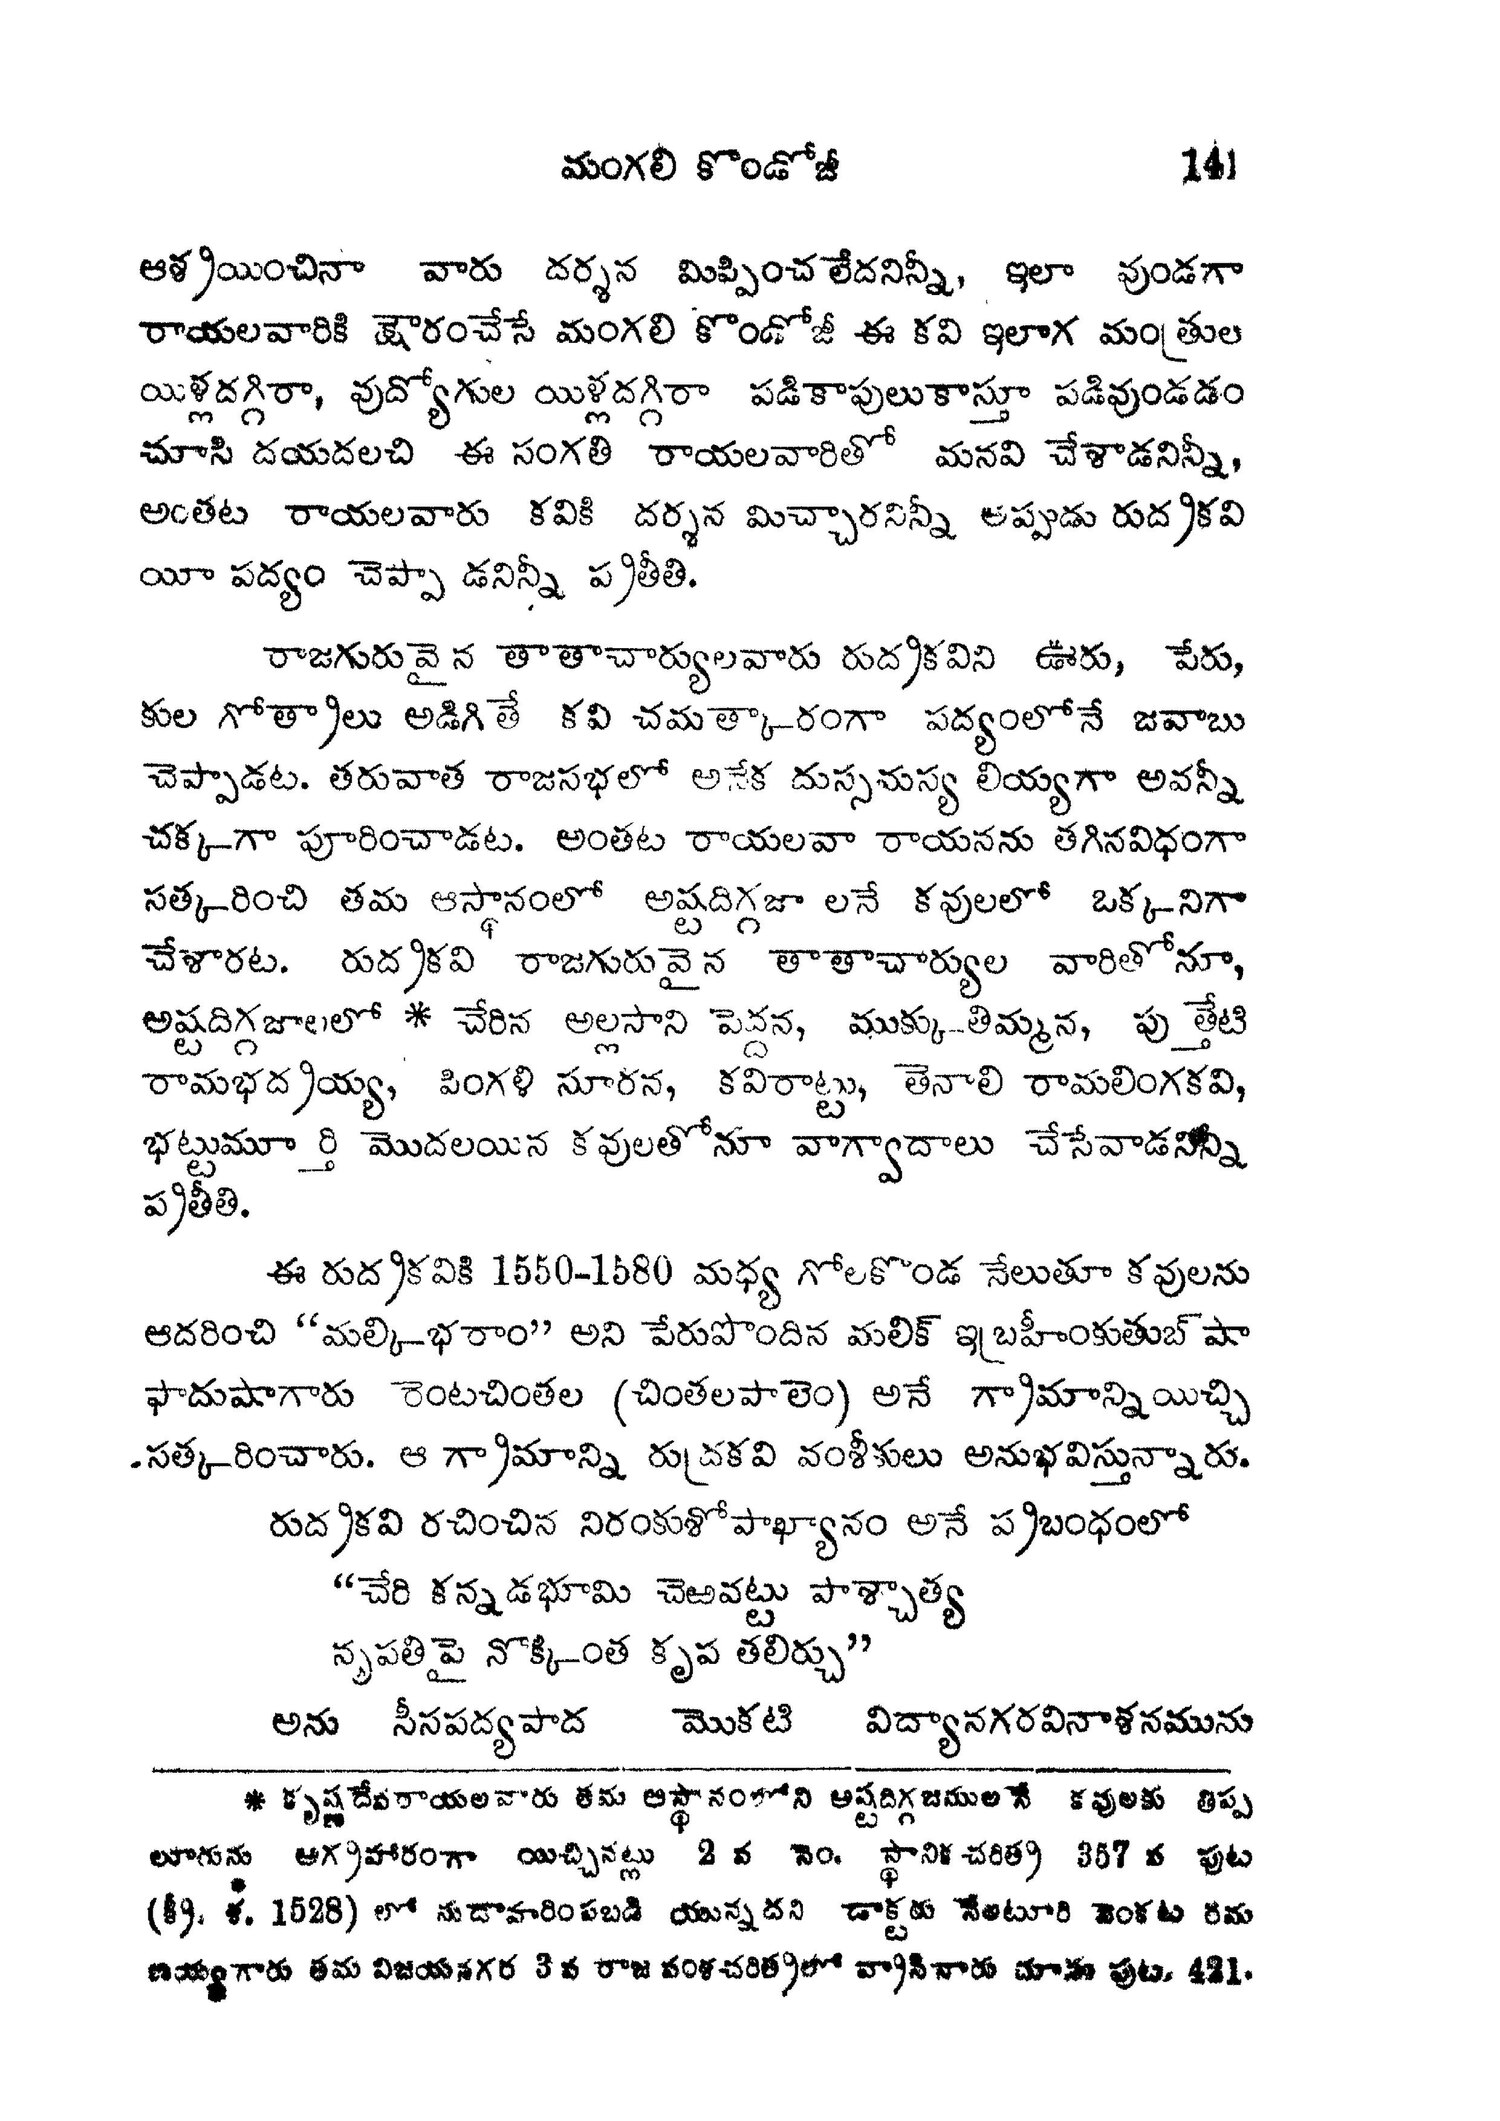ఆశ్రయించినా వారు దర్శన మిప్పించలేదనిన్నీ, ఇలా వుండగా రాయలవారికి క్షౌరంచేసే మంగలి కొండోజీ ఈ కవి ఇలాగ మంత్రుల యిళ్లదగ్గిరా, వుద్యోగుల యిళ్లదగ్గిరా పడిగాపులుకాస్తూ పడివుండడం చూసి దయదలచి ఈ సంగతి రాయలవారితో మనవి చేశాడనిన్నీ, అంతట రాయలవారు కవికి దర్శనమిచ్చారనిన్నీ, అప్పుడు రుద్రకవి యీ పద్యం చెప్పాడనిన్నీ ప్రతీతి.

రాజగురువైన తాతాచార్యులవారు రుద్రకవిని ఊరు, పేరు, కుల గోత్రాలు అడిగితే కవి చమత్కారంగా పద్యంలోనే జవాబు చెప్పాడట. తరువాత రాజసభలో అనేక దుస్సమస్య లియ్యగా అవన్నీ చక్కగా పూరించాడట. అంతట రాయలవా రాయనకు తగినవిధంగా సత్కరించి తమ ఆస్థానంలో అష్టదిగ్గజా లనే కవులలో ఒక్కనిగా చేశారట. రుద్రకవి రాజగురువైన తాతాచార్యుల వారితోనూ అష్ఠదిగ్గజాలలో చేరిన అల్లసాని పెద్దన, ముక్కుతిమ్మన, పుత్తేటి రామభద్రయ్య, పింగళి సూరన, కవిరాట్టు, తెనాలి రమలింగకవి, భట్టుమూర్తి మొదలయిన కవులతోనూ వాగ్వాదాలు చేసేవాడనిన్నీ ప్రతీతి.

ఈ రుద్రకవికి 1550-1580 మధ్య గోలకొండ నేలుతూ కవులను ఆదరించి "మల్కిభరాం" అని పేరుపొందిన మలిక్ ఇబ్రహీంకుతుబ్ షా పాదుషాగారు రెంటచింతల (చింతలపాలెం) అనే గ్రామాన్ని యిచ్చి సత్కరించారు. ఆ గ్రామాన్ని రుద్రకవి వంశీకులు అనుభవిస్తున్నారు.

రుద్రకవి రచించిన నిరంకుశోపాఖ్యానం అనే ప్రబందంలో

 "చేరి కన్నడభూమి చెఱపట్టు పాశ్చాత్య
 నృపతిపై నొక్కింత కృప తలిర్చు"

అను సీసపద్యపాద మొకటి విద్యానగరవినాశనమును